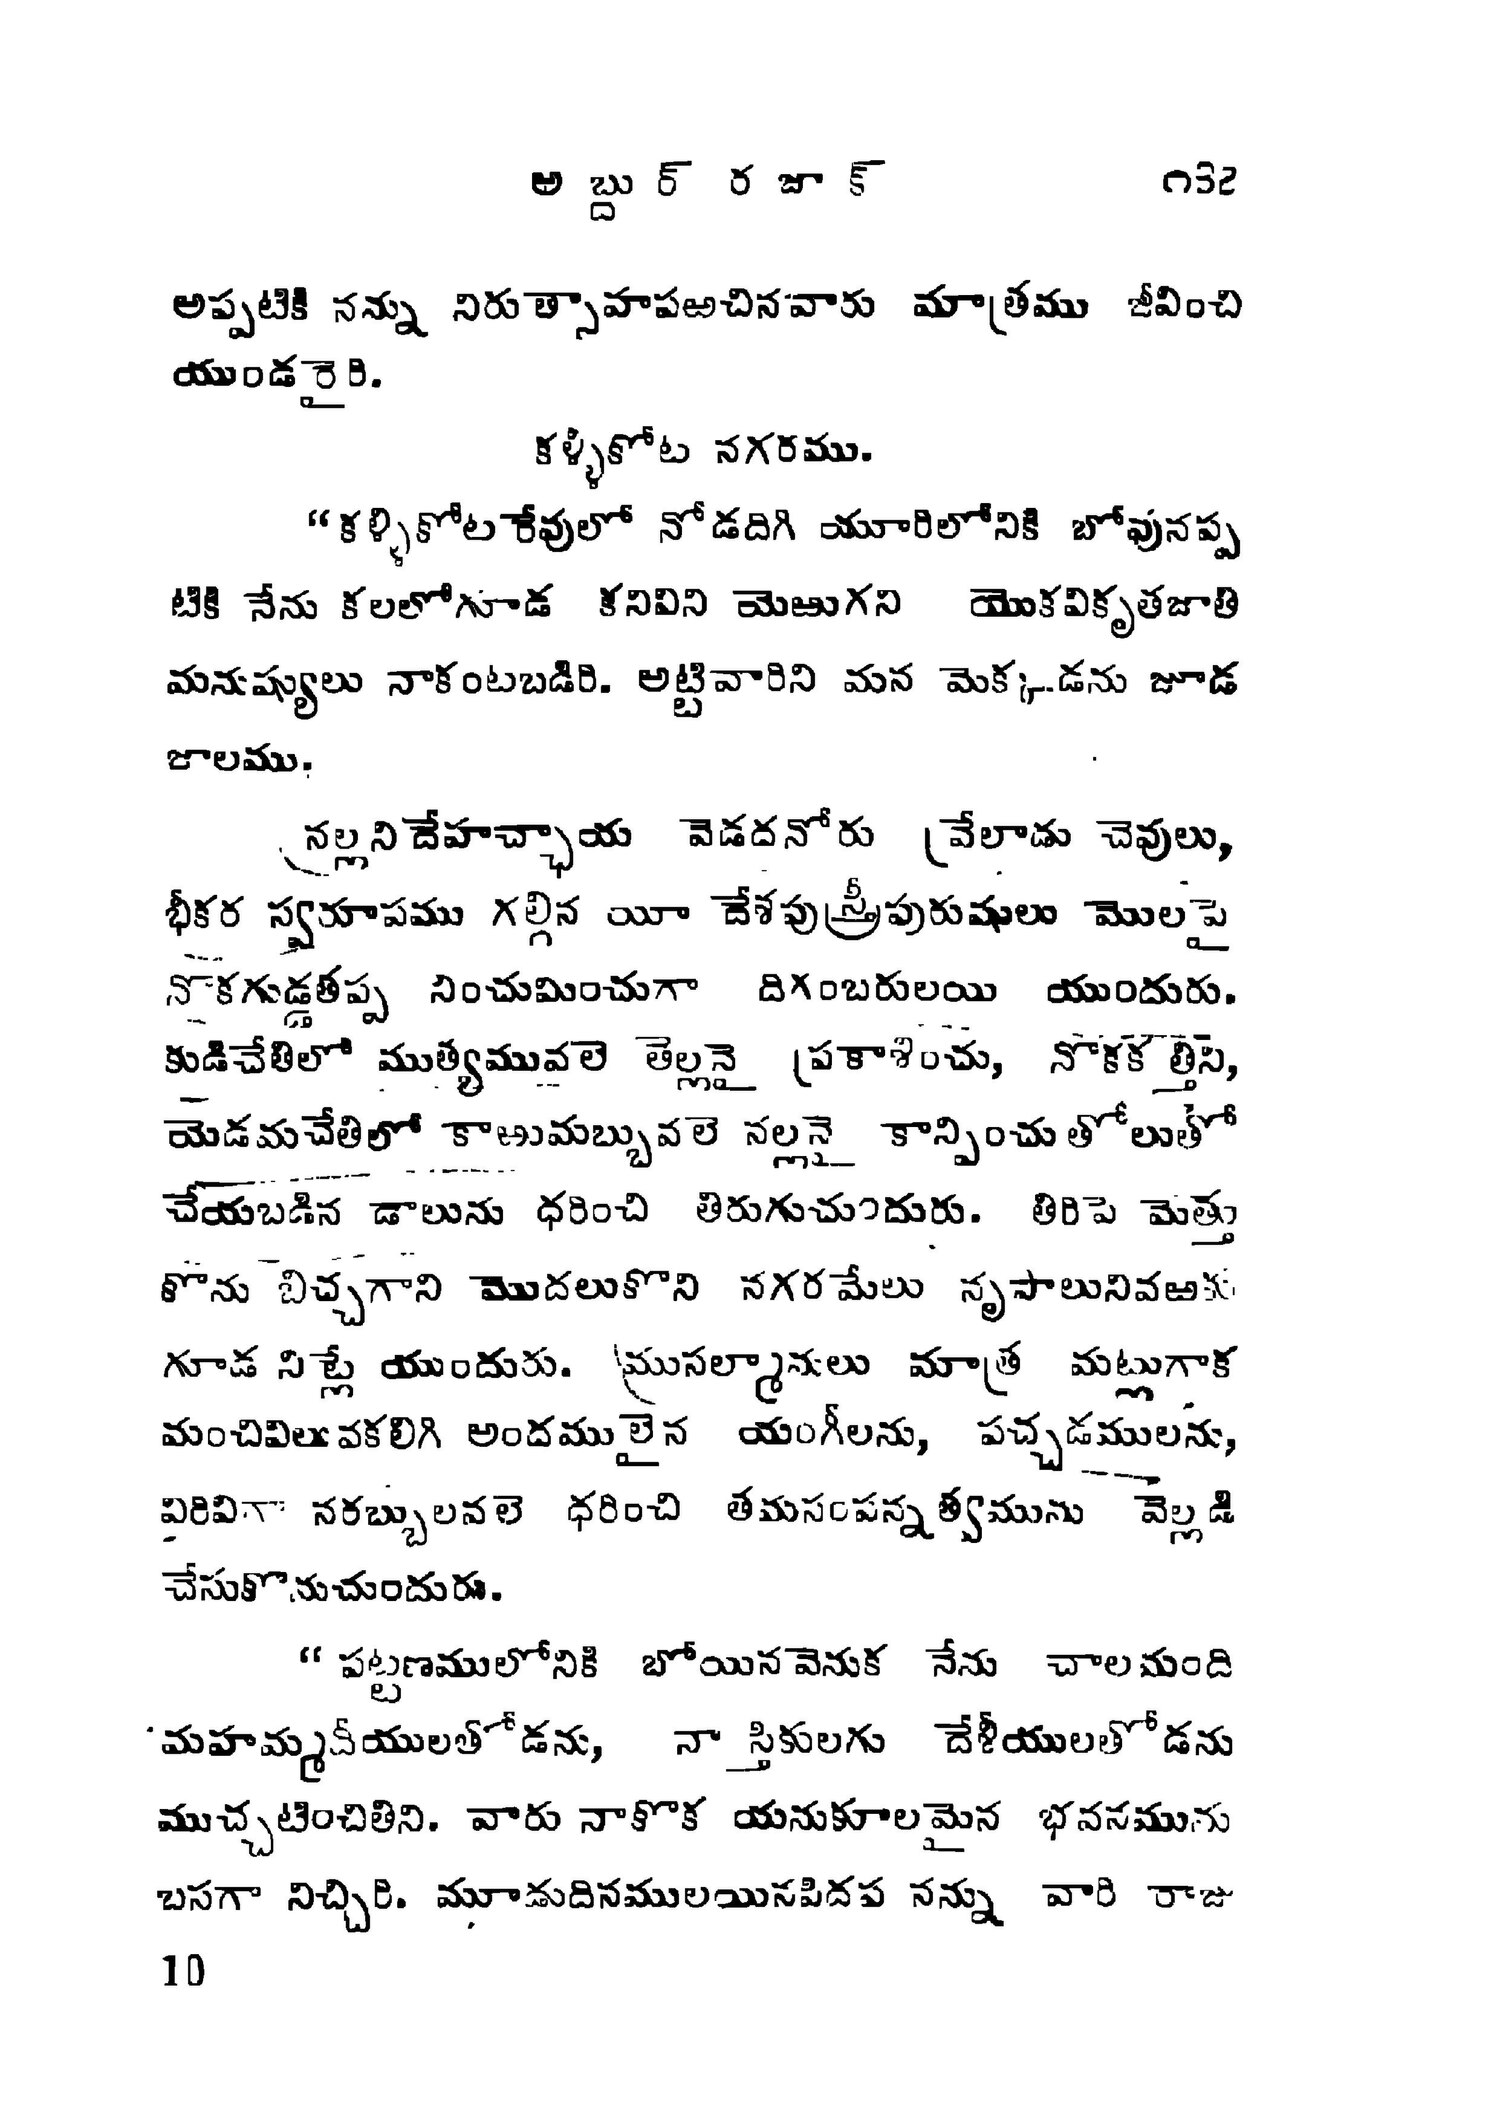అప్పటికి నన్ను నిరుత్సాహపఱచినవారు మాత్రము జీవించి యుండరైరి.

"కళ్ళికోట రేవులో నోడదిగి యూరిలోనికి బోవునప్పటికి నేను కలలోగూడ కనివిని యెఱుగని యొకవికృతజాతి మనుష్యులు నాకంటబడిరి. ఆట్టివారిని మన మెక్కడను జూడజాలము.

నల్లని దేహచ్ఛాయ వెడదనోరు వ్రేలాడు చెవులు, భీకర స్వరూపము గల్గిన యీ దేశపు స్త్రీపురుషులు మొలపై నొకగుడ్డతప్ప నించుమించుగా దిగంబరులయి యుందురు. కుడిచేతిలో ముత్యమువలె తెల్లనై ప్రకాశించు, నొక కత్తిని, యెడమచేతిలో కాఱుమబ్బువలె నల్లనై కాన్పించు తోలుతో చేయబడిన డాలును ధరించి తిరుగు చుందురు. తిరిపె మెత్తుకొను బిచ్చగాని మొదలుకొని నగరమేలు నృపాలుని వఱకు గూడ నిట్లే యుందురు. ముసల్మానులు మాత్ర మట్లుగాక మంచి విలువకలిగి అందములైన యంగీలను, పచ్చడములను, విరివిగా నరబ్బులవలె ధరించి తమ సంపన్నత్వమును వెల్లడి చేసుకొను చుందురు.

"పట్టణములోనికి బోయిన వెనుక నేను చాలమంది మహమ్మదీయుల తోడను, నాస్తికులగు దేశీయుల తోడను ముచ్చటించితిని. వారు నాకొక యనుకూలమైన భవనమును బసగా నిచ్చిరి. మూడుదినములయిన పిదప నన్ను వారి రాజు